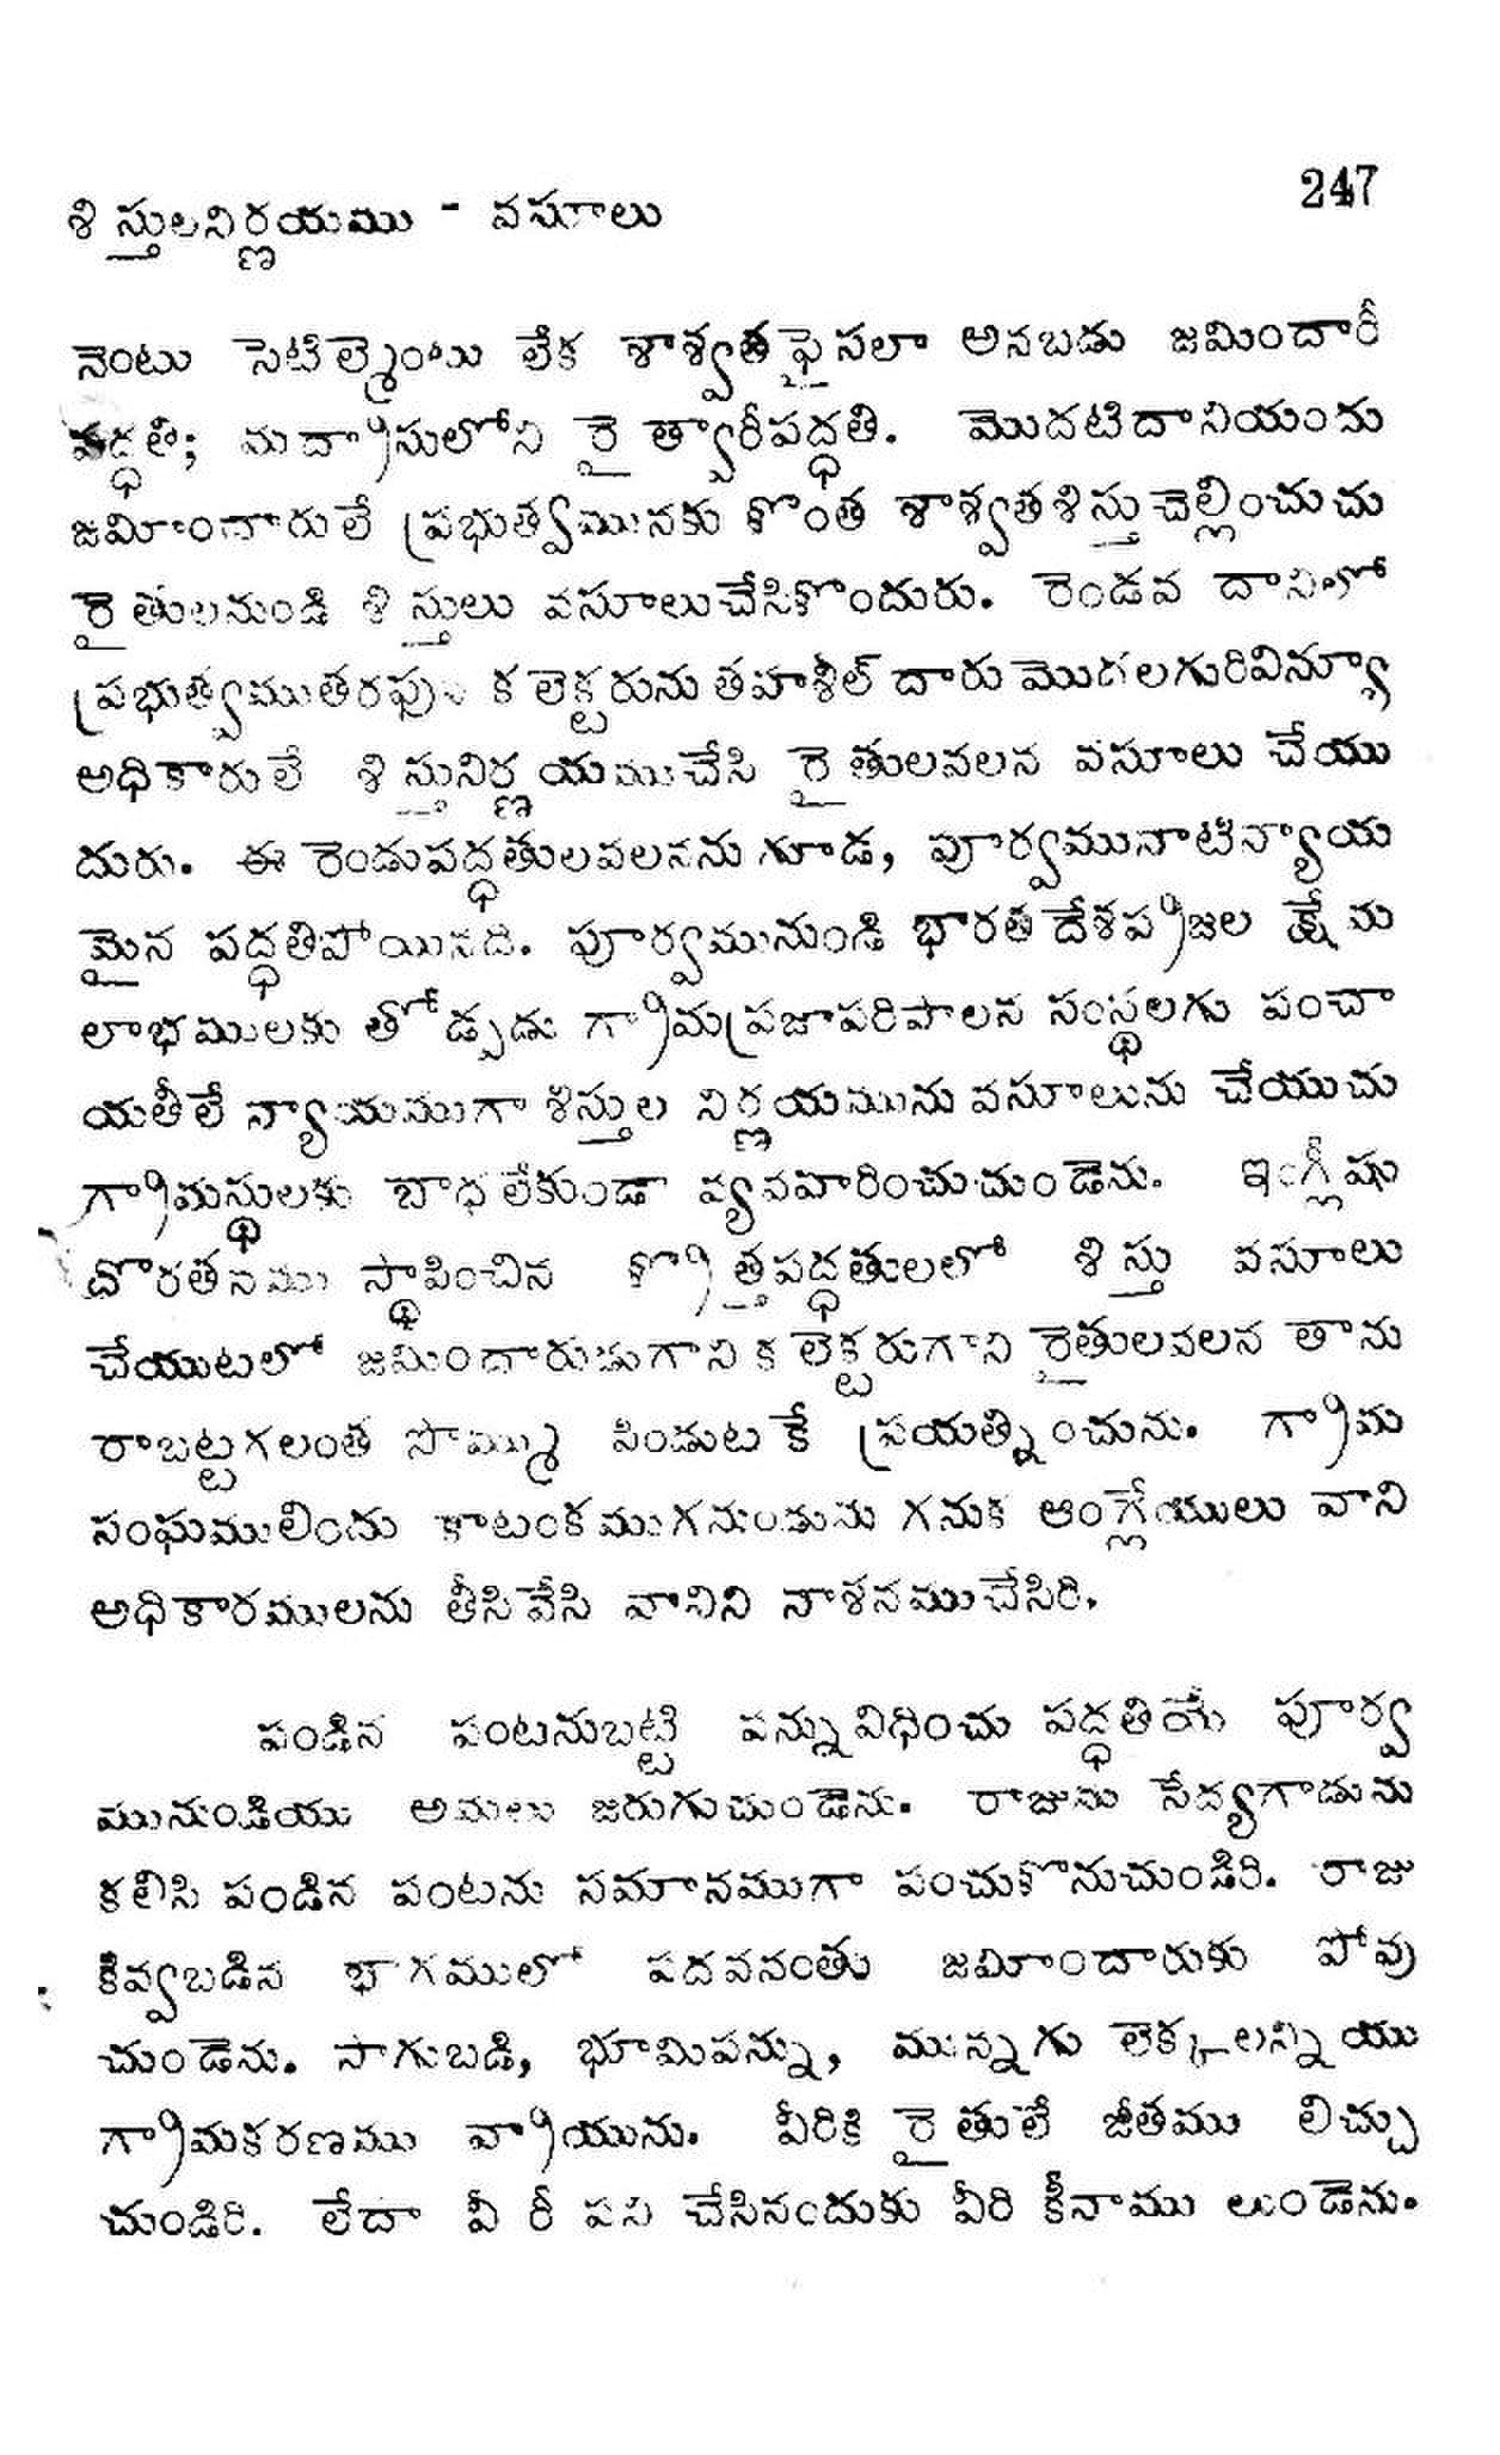నెంటు సెటిల్మెంటు లేక శాశ్వతఫైసలా అనబడు జమిందారీ పద్ధతి; మద్రాసులోని రైత్వారీపద్ధతి. మొదటిదానియందు జమీందారులే ప్రభుత్వమునకు కొంత శాశ్వతశిస్తుచెల్లించుచు రైతులనుండి శిస్తులు వసూలుచేసికొందురు. రెండవ దానిలో ప్రభుత్వముతరఫున కలెక్టరును తహశీల్ దారుమొదలగురివిన్యూ అధికారులే శిస్తునిర్ణయముచేసి రైతులవలన వసూలు చేయుదురు. ఈ రెండుపద్ధతులవలనను గూడ, పూర్వమునాటి న్యాయమైన పద్ధతిపోయినది. పూర్వమునుండి భారతదేశప్రజల క్షేమలాభములకు తోడ్పడు గ్రామప్రజాపరిపాలన సంస్థలగు పంచాయతీలే న్యాయముగా శిస్తుల నిర్ణయమును వసూలును చేయుచు గ్రామస్థులకు బాధలేకుండా వ్యవహరించుచుండెను. ఇంగ్లీషు దొరతనము స్థాపించిన క్రొత్తపద్ధతులలో శిస్తు వసూలు చేయుటలో జమిందారుడుగాని కలెక్టరుగాని రైతులవలన తాను రాబట్టగలంత సొమ్ము పిండుటకే ప్రయత్నించును. గ్రామసంఘములిందు కాటంకముగనుండును గనుక ఆంగ్లేయులు వాని అధికారములను తీసివేసి వానిని నాశనముచేసిరి,

పండిన పంటనుబట్టి పన్నువిధించు పద్దతియే పూర్వమునుండియు అమలు జరుగుచుండెను. రాజును సేద్యగాడును కలిసి పండిన పంటను సమానముగా పంచుకొనుచుండిరి. రాజుకివ్వబడిన భాగములో పదవవంతు జమీందారుకు పోవుచుండెను. సాగుబడి, భూమిపన్ను, మున్నగు లెక్కలన్నియు గ్రామకరణము వ్రాయును. వీరికి రైతులే జీతము లిచ్చు చుండిరి. లేదా వీ రీ పని చేసినందుకు వీరి కీనాము లుండెను.